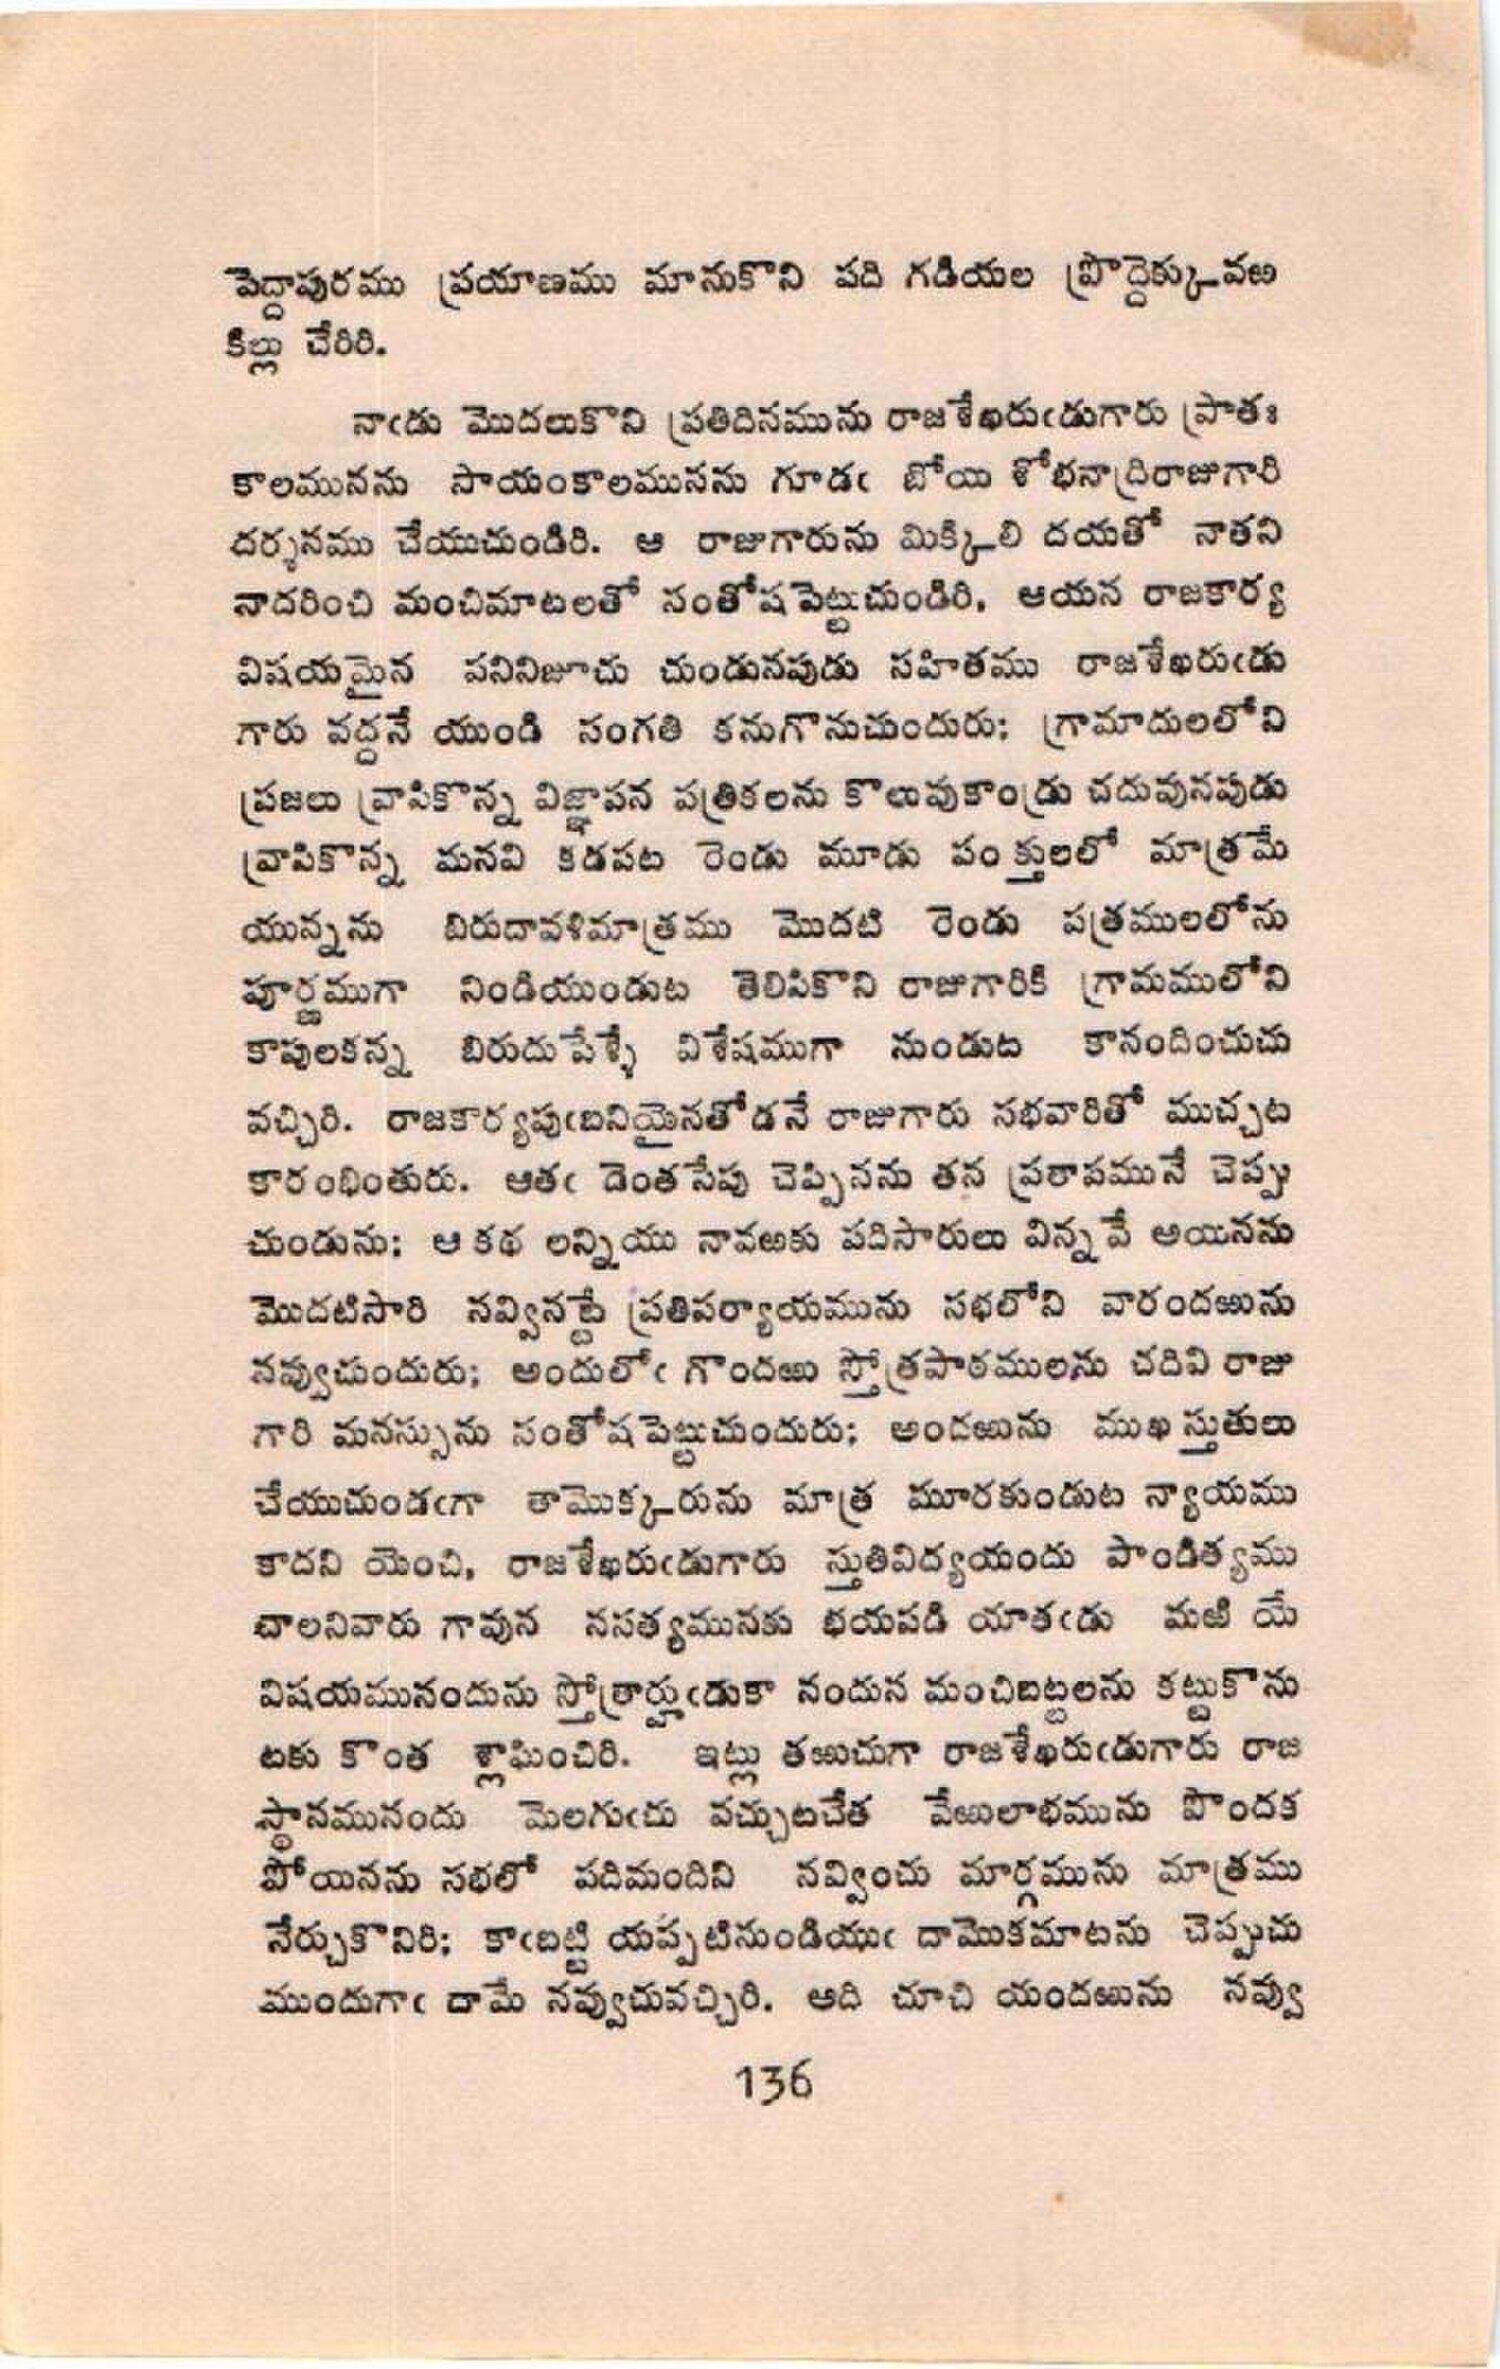పెద్దాపురము ప్రయాణము మానుకొని పది గడియల ప్రొద్దెక్కువఱకిల్లు చేరిరి.

నాఁడు మొదలుకొని ప్రతిదినమును రాజశేఖరుఁడుగారు ప్రాతః కాలమునను సాయంకాలమునను గూడఁ బోయి శోభనాద్రిరాజుగారి దర్శనము చేయుచుండిరి. ఆ రాజుగారును మిక్కిలి దయతో నాతని నాదరించి మంచిమాటలతో సంతోషపెట్టుచుండిరి. ఆయన రాజకార్య విషయమైన పనినిజూచు చుండునపుడు సహితము రాజశేఖరుఁడు గారు వద్దనే యుండి సంగతి కనుగొనుచుందురు; గ్రామాదులలోని ప్రజలు వ్రాసికొన్న విజ్ఞాపన పత్రికలను కొలువుకాండ్రు చదువునపుడు వ్రాసికొన్న మనవి కడపట రెండు మూడు పంక్తులలో మాత్రమే యున్నను బిరుదావళి మాత్రము మొదటి రెండు పత్రములలోను పూర్ణముగా నిండియుండుట తెలిసికొని రాజుగారికి గ్రామములోని కాపులకన్న బిరుదు పేళ్ళే విశేషముగా నుండుట కానందించుచు వచ్చిరి. రాజకార్యపుఁబనియైనతోడనే రాజుగారు సభవారితో ముచ్చట కారంభింతురు. అతఁ డెంతసేపు చెప్పినను తన ప్రతాపమునే చెప్పు చుండును; ఆ కథ లన్నియు నావఱకు పదిసారులు విన్నవే అయినను మొదటిసారి నవ్వినట్టే ప్రతిపర్యాయమును సభలోని వారందఱును నవ్వుచుందురు; అందులోఁ గొందఱు స్తోత్రపాఠములను చదివి రాజు గారి మనస్సును సంతోషపెట్టుచుందురు; అందఱును ముఖస్తుతులు చేయుచుండగా తామొక్కరును మాత్ర మూరకుండుట న్యాయము కాదని యెంచి, రాజశేఖరుఁడుగారు స్తుతివిద్యయందు పాండిత్యము చాలనివారు గావున నసత్యమునకు భయపడి యాతఁడు మఱి యే విషయమునందును స్తోత్రా 
ర్హుడుకా నందున మంచిబట్టలను కట్టుకొను టకు కొంత శ్లాఘించిరి. ఇట్లు తఱచుగా రాజశేఖరుఁడుగారు రాజ స్థానమునందు మెలగుఁచు వచ్చుటచేత వేఱులాభమును పొందక పోయినను సభలో పదిమందిని నవ్వించు మార్గమును మాత్రము నేర్చుకొనిరి; కాబట్టి యప్పటినుండియుఁ దామొకమాటను చెప్పుచు ముందుగాఁ దామే నవ్వుచువచ్చిరి. అది చూచి యందఱును నవ్వు